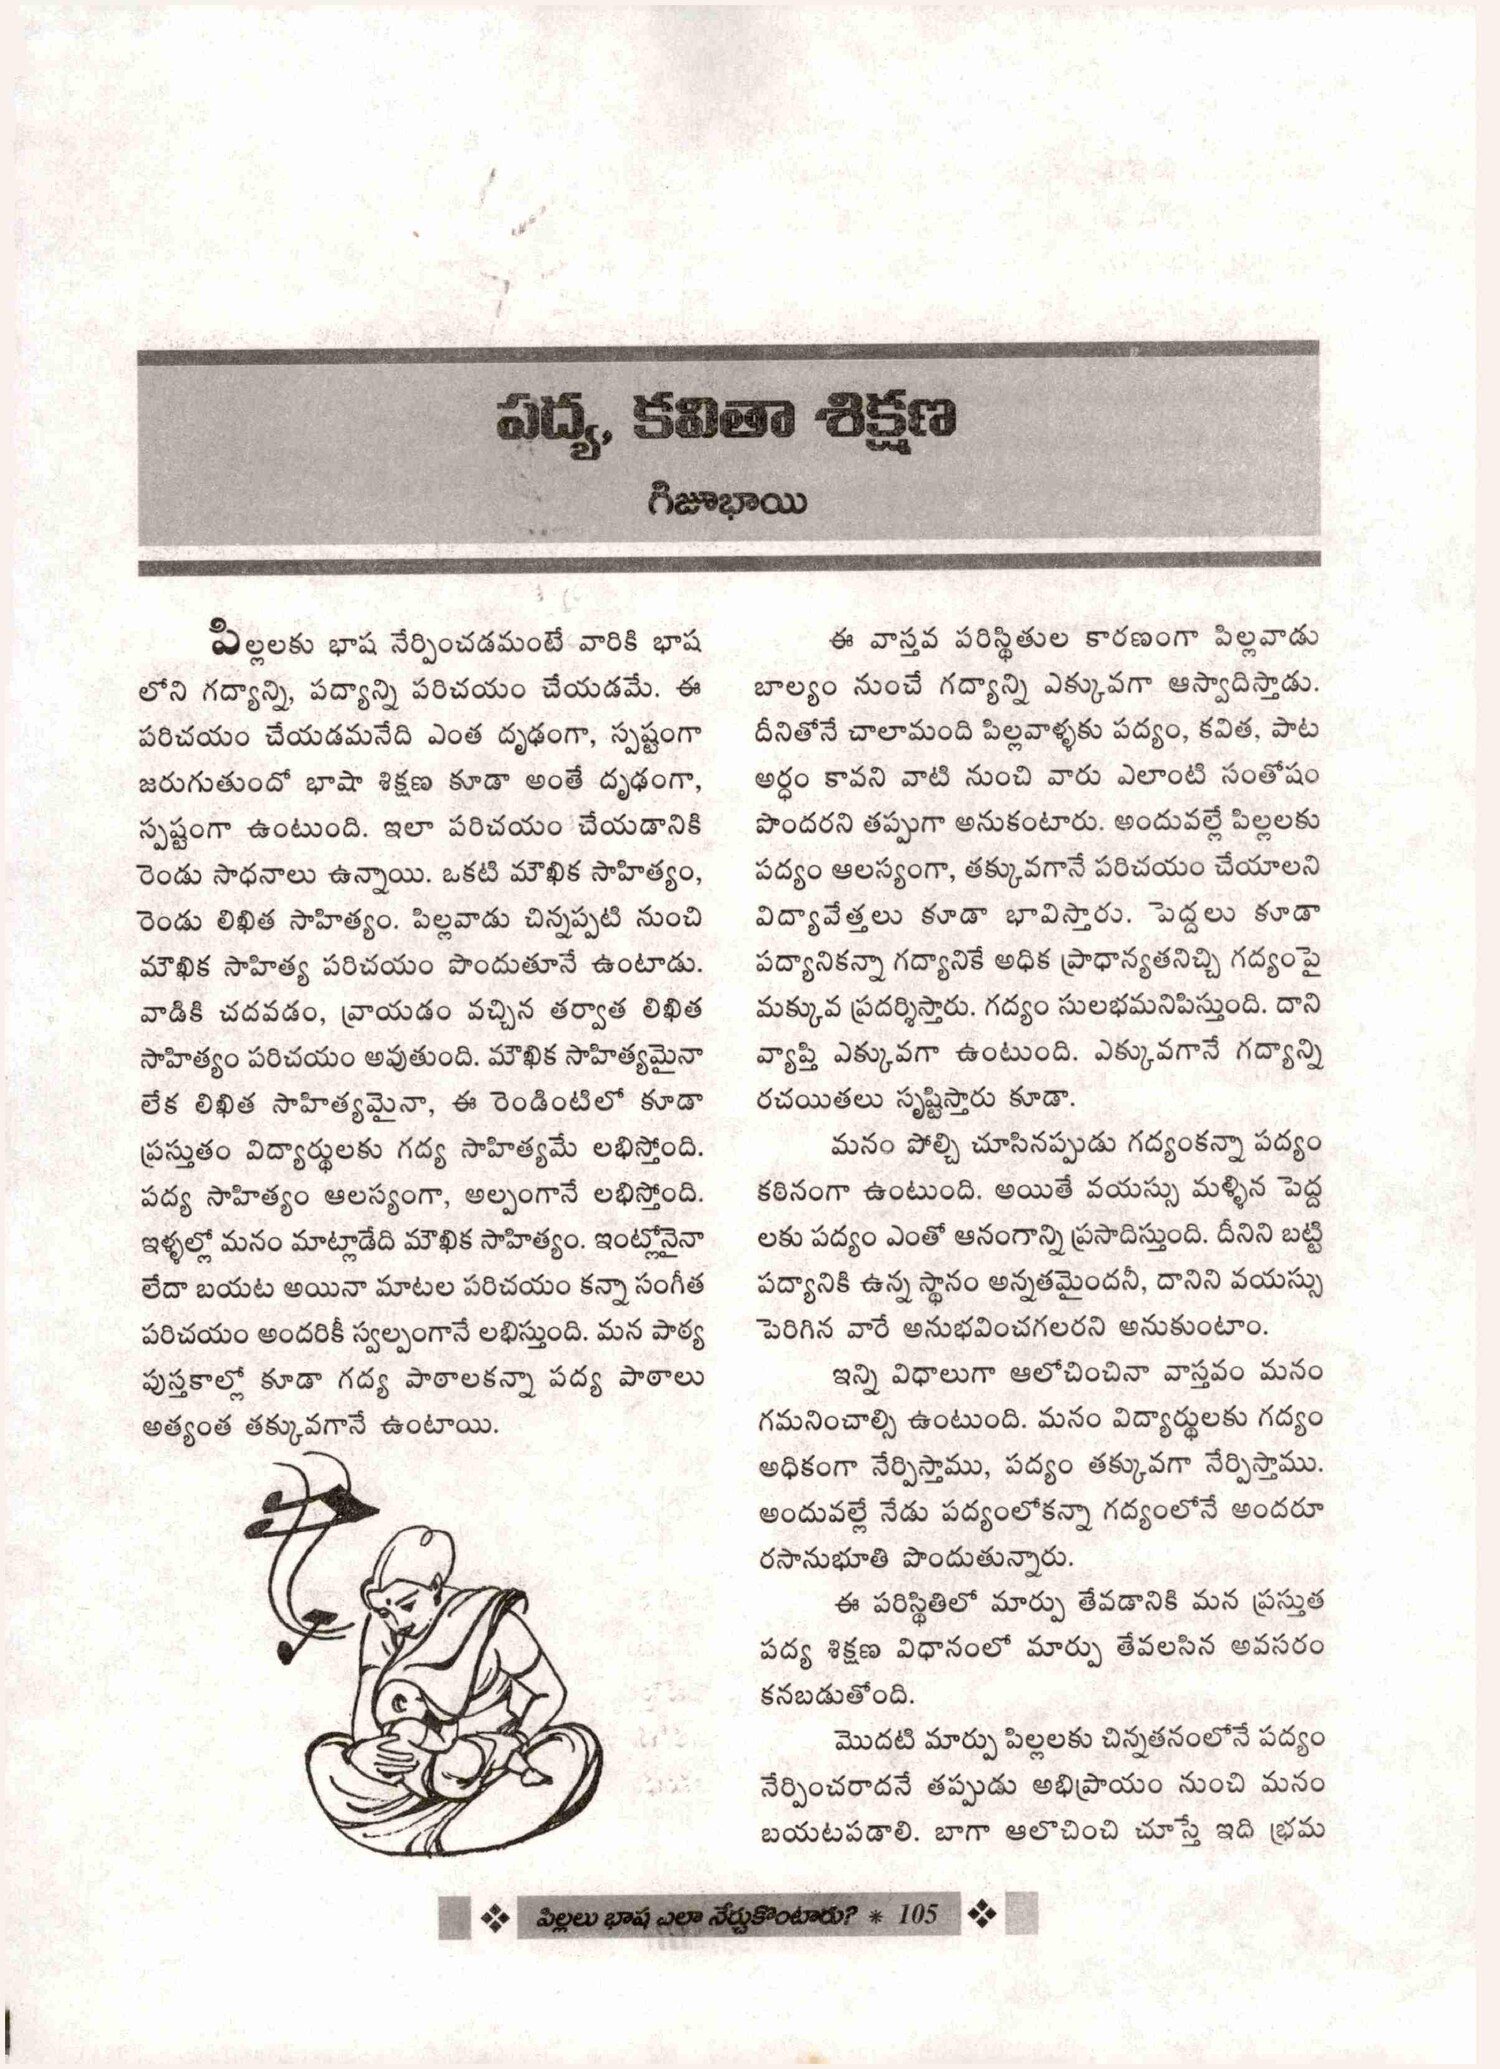పద్య, కవితా శిక్షణ
గిజూభాయి

పిల్లలకు భాష నేర్పించడమంటే వారికి భాషలోని గద్యాన్ని, పద్యాన్ని పరిచయం చేయడమే. ఈ పరిచయం చేయడమనేది ఎంత దృఢంగా, స్పష్టంగా జరుగుతుందో భాషా శిక్షణ కూడా అంతే దృఢంగా, స్పష్టంగా ఉంటుంది. ఇలా పరిచయం చేయడానికి రెండు సాధనాలు ఉన్నాయి. ఒకటి మౌఖిక సాహిత్యం, రెండు లిఖిత సాహిత్యం. పిల్లవాడు చిన్నప్పటి నుంచి మౌఖిక సాహిత్య పరిచయం పొందుతూనే ఉంటాడు. వాడికి చదవడం, వ్రాయడం వచ్చిన తర్వాత లిఖిత సాహిత్యం పరిచయం అవుతుంది. మౌఖిక సాహిత్యమైనా లేక లిఖిత సాహిత్యమైనా, ఈ రెండింటిలో కూడా ప్రస్తుతం విద్యార్థులకు గద్య సాహిత్యమే లభిస్తోంది. పద్య సాహిత్యం ఆలస్యంగా, అల్పంగానే లభిస్తోంది. ఇళ్ళల్లో మనం మాట్లాడేది మౌఖిక సాహిత్యం. ఇంట్లోనైనా లేదా బయట అయినా మాటలు పరిచయం కన్నా సంగీత పరిచయం అందరికీ స్వల్పంగానే లభిస్తుంది. మన పాఠ్యపుస్తకాల్లో కూడా గద్య పాఠాలకన్నా పద్య పాఠాలు అత్యంత తక్కువగానే ఉంటాయి.

ఈ వాస్తవ పరిస్థితుల కారణంగా పిల్లవాడు బాల్యం నుంచే గద్యాన్ని ఎక్కువగా ఆస్వాదిస్తాడు. దీనితోనే చాలామంది పిల్లవాళ్ళకు పద్యం, కవిత, పాట అర్ధం కావని వాటి నుంచి వారు ఎలాంటి సంతోషం పొందరని తప్పుగా అనుకుంటారు. అందువల్లే పిల్లలకు పద్యం ఆలస్యంగా, తక్కువగానే పరిచయం చేయాలని విద్యావేత్తలు కూడా భావిస్తారు. పెద్దలు కూడా పద్యానికన్నా గద్యానికే అధిక ప్రాధాన్యతనిచ్చి గద్యంపై మక్కువ ప్రదర్శిస్తారు. గద్యం సులభమనిపిస్తుంది. దాని వ్యాప్తి ఎక్కువగా ఉంటుంది. ఎక్కువగానే గద్యాన్ని రచయితలు సృష్టిస్తారు కూడా.

మనం పోల్చి చూసినప్పుడు గద్యంకన్నా పద్యం కఠినంగా ఉంటుంది. అయితే వయస్సు మళ్ళిన పెద్దలకు పద్యం ఎంతో ఆనందాన్ని ప్రసాదిస్తుంది. దీనిని బట్టి పద్యానికి ఉన్న స్థానం ఉన్నతమైందనీ, దానిని వయస్సు పెరిగిన వారే అనుభవించగలరని అనుకుంటాం.

ఇన్ని విధాలుగా ఆలోచించినా వాస్తవం మనం గమనించాల్సి ఉంటుంది. మనం విద్యార్థులకు గద్యం అధికంగా నేర్పిస్తాము, పద్యం తక్కువగా నేర్పిస్తాము. అందువల్లే నేడు పద్యంలోకన్నా గద్యంలోనే అందరూ రసానుభూతి పొందుతున్నారు.

ఈ పరిస్థితిలో మార్పు తేవడానికి మన ప్రస్తుత పద్య శిక్షణ విధానంలో మార్పు తేవలసిన అవసరం కనబడుతోంది.

మొదటి మార్పు పిల్లలకు చిన్నతనంలోనే పద్యం నేర్పించరాదనే తప్పుడు అభిప్రాయం నుంచి మనం బయటపడాలి. బాగా ఆలొచించి చూస్తే ఇది భ్రమ